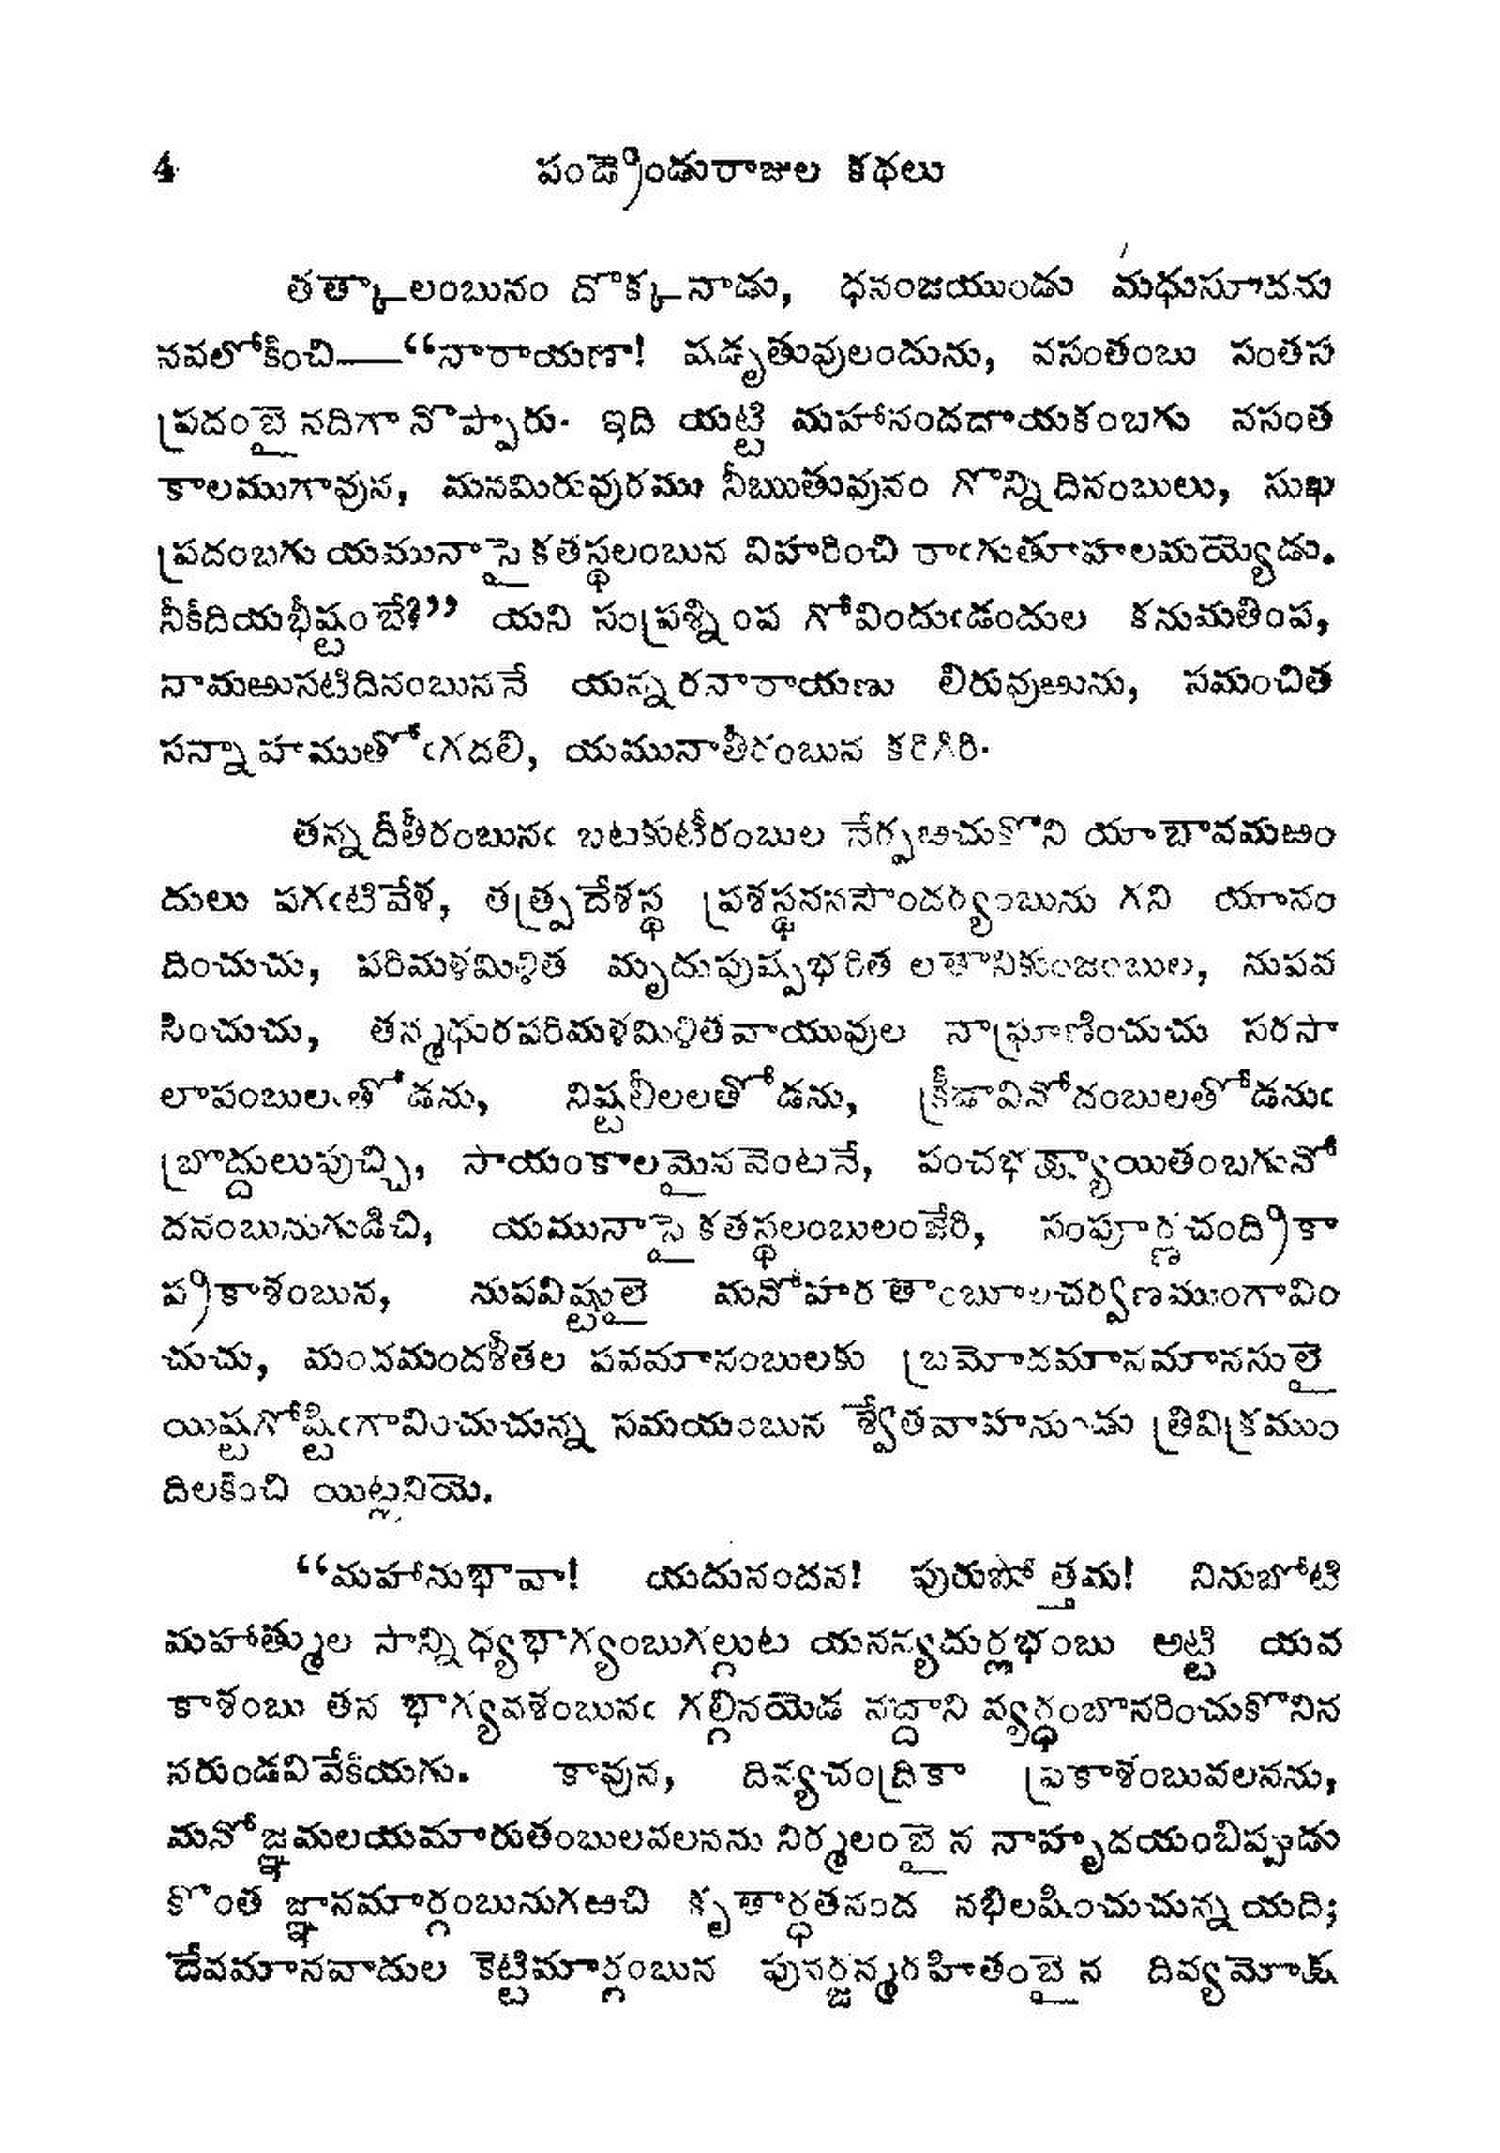తత్కాలంబునం దొక్కనాడు, ధనంజయుండు మధుసూదను నవలోకించి—— "నారాయణా! షడృతువులందును, వసంతంబు సంతస
ప్రదంబై నదిగా నొప్పారు. ఇది యట్టి మహానందదాయకంబగు వసంతకాలముగావున, మnaమిరువురము నీఋతువునం గొన్ని దినంబులు, సుఖప్రదంబగు యమునా సైకత స్థలంబున విహరించి రాఁగుతూహలమయ్యెడు. నీకిదియభీష్టంబే?" యని సంప్రశ్నింప గోవిందుఁ డందుల కనుమతింప, నామఱుసటి దినంబుననే యన్నరనారాయణు లిరువులును, సమంచిత సన్నాహముతోఁ గదలి, యమునాతీరంబున కరిగిరి.

తన్నదీతీరంబునఁ బటకుటీరంబుల నేర్పఱచుకొని యాబావమఱందులు పగటివేళ, తత్ప్ర దేశస్థ ప్రశస్థనన సౌందర్యంబును గని యానం
దించుచు, పరిమళమిశిత మృదు పుష్పభరిత లతానికుజంబుల, నుపవసించుచు, తన్మధురపరిమళమిళిత వాయువుల నాఘ్రాణించుచు సరసాలాపంబులఁతోడను, నిష్టలీలలతోడను, క్రీడావినోదంబులతోడనుఁ బ్రోద్దులుపుచ్చి, సాయంకాలమైన వెంటనే, పంచభక్షాయితంబగునో
దనంబునుగుడిచి, యమునా సైకతస్థలంబులంజేరి, సంపూర్ణ చంద్రికా ప్రకాశంబున, నుపవిష్టులై మనోహర తాంబూల చర్వణముంగావిం
చుచు, మందమందశీతల పవమానంబులకు బ్రమోదమానమానసులై యిష్టగోష్టిఁ గావించుచున్న సమయంబున శ్వేతవాహనుండు త్రివిక్రముం
దిలకించి యిట్లనియె.

“మహానుభావా! యదునందన! పురుషోత్తమ! నినుబోటి మహాత్ముల సాన్నిధ్య భాగ్యంబు గల్గుట యనన్య దుర్లభంబు అట్టి యవకాశంబు తన భాగ్యవశంబునఁ గల్గినయెడ నద్దాని వ్యర్ధంబొనరించుకొనిన నరుండవివేకియగు. కావున, దివ్యచంద్రికా ప్రకాశంబువలనను,మనోజ్ఞమలయ మారుతంబులవలనను నిర్మలంబైన నాహృదయంబిప్పుడు కొంత జ్ఞానమార్గంబునుగఱచి కృతార్ధతనంద నభిలషించుచున్న యది;
దేవమానవాదుల కెట్టిమార్గంబున పునర్జన్మరహితంబైన దివ్యమోక్ష